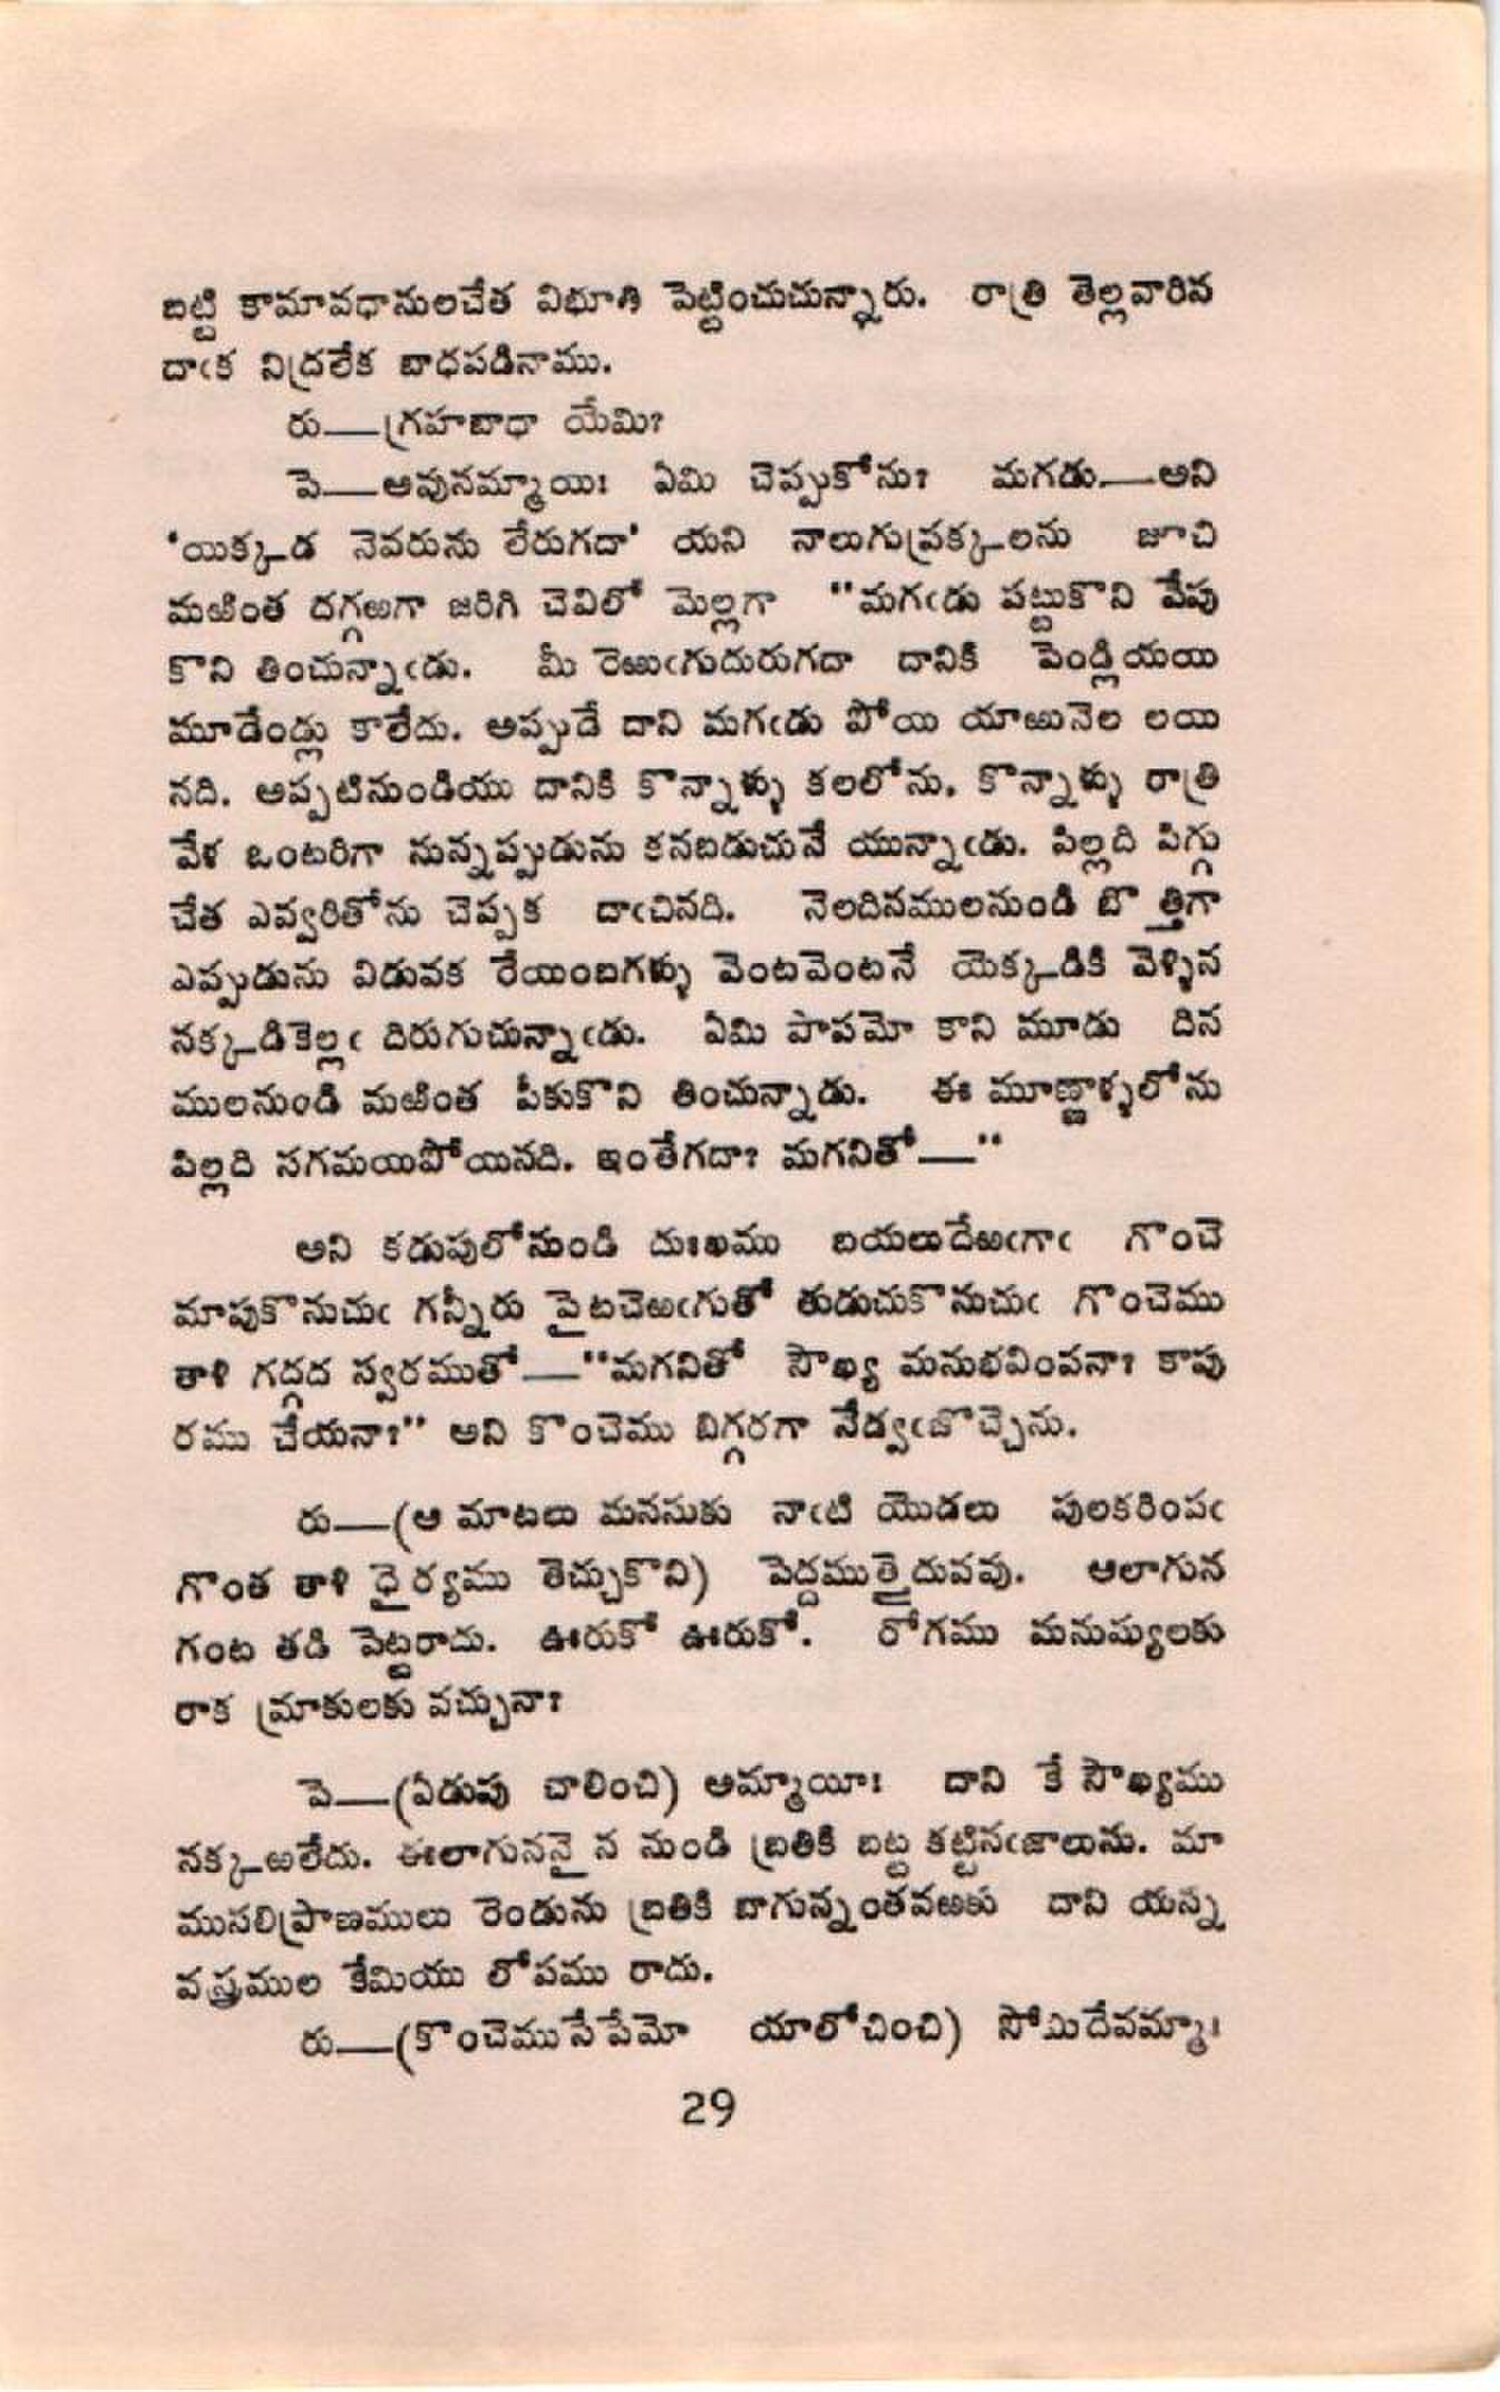బట్టి కామావధానులచేత విభూతి పెట్టించుచున్నారు. రాత్రి తెల్లవారిన దాఁక నిద్రలేక బాధపడినాము.

రు__గ్రహబాధా యేమి?

పె__అవునమ్మాయి! ఏమి చెప్పకోను? మగడు__ఆని "యిక్కడ నెవరును లేరుగదా" యని నాలుగు ప్రక్కలను జూచి మఱింత దగ్గఱగా జరిగి చెవిలో మెల్లగా "మగఁడు పట్టుకొని వేపుకొని తించున్నాఁడు. మీ రెఱుఁగుదురుగదా దానికి పెండ్లియయి మూడేండ్లు కాలేదు. అప్పడే దాని మగఁడు పోయి యాఱు నెల లయినది. అప్పటినుండియు దానికి కొన్నాళ్ళు కలలోను, కొన్నాళ్ళు రాత్రి వేళ ఒంటరిగా నున్నప్పడును కనబడుచునే యున్నాడు. పిల్లది సిగ్గు చేత ఎవ్వరితోను చెప్పక దాఁచినది. నెలదినములనుండి బొత్తిగా ఎప్పుడును విడువక రేయింబగళ్ళు వెంటవెంటనే యెక్కడికి వెళ్ళిన నక్కడికెల్లఁ దిరుగుచున్నాఁడు. ఏమి పాపమో కాని మూడు దిన ములనుండి మఱింత పీకుకొని తించున్నాడు. ఈ మూణ్ణాళ్ళలోను పిల్లది సగమయిపోయినది. ఇంతేగదా? మగనితో_"

అని కడుపులోనుండి దుఃఖము బయలుదేఱcగాఁ గొంచె మాపుకొనుచుఁ గన్నీరు పైట చెఱఁగుతో తుడుచుకొనుచుఁ గొంచెము తాళి గద్గద స్వరముతో-"మగనితో సౌఖ్య మనుభవింపనా? కాపురము చేయనా?" అని కొంచెము బిగ్గరగా నేడ్వఁజొచ్చెను.

రు__(ఆ మాటలు మనసుకు నాఁటి యొడలు పులకరింపఁ గొంత తాళి 
ధైర్యము తెచ్చుకొని) పెద్దముత్తై దువవు. ఆలాగున గంట తడి పెట్టరాదు. ఊరుకో ఊరుకో. రోగము మనుష్యులకు రాక మ్రాకులకు వచ్చునా?

పె__(ఏడుపు చాలించి) ఆమ్మాయీ! దాని కే సౌఖ్యము నక్క ఱలేదు. ఈలాగుననైన నుండి బ్రతికి బట్ట కట్టినఁజాలును. మా ముసలిప్రాణములు రెండును బ్రతికి బాగున్నంతవఱకు దాని యన్న వస్త్రముల కేమియు లోపము రాదు.

రు__(కొంచెముసేపేమో యాలోచించి) సోమిదేవమ్మా!